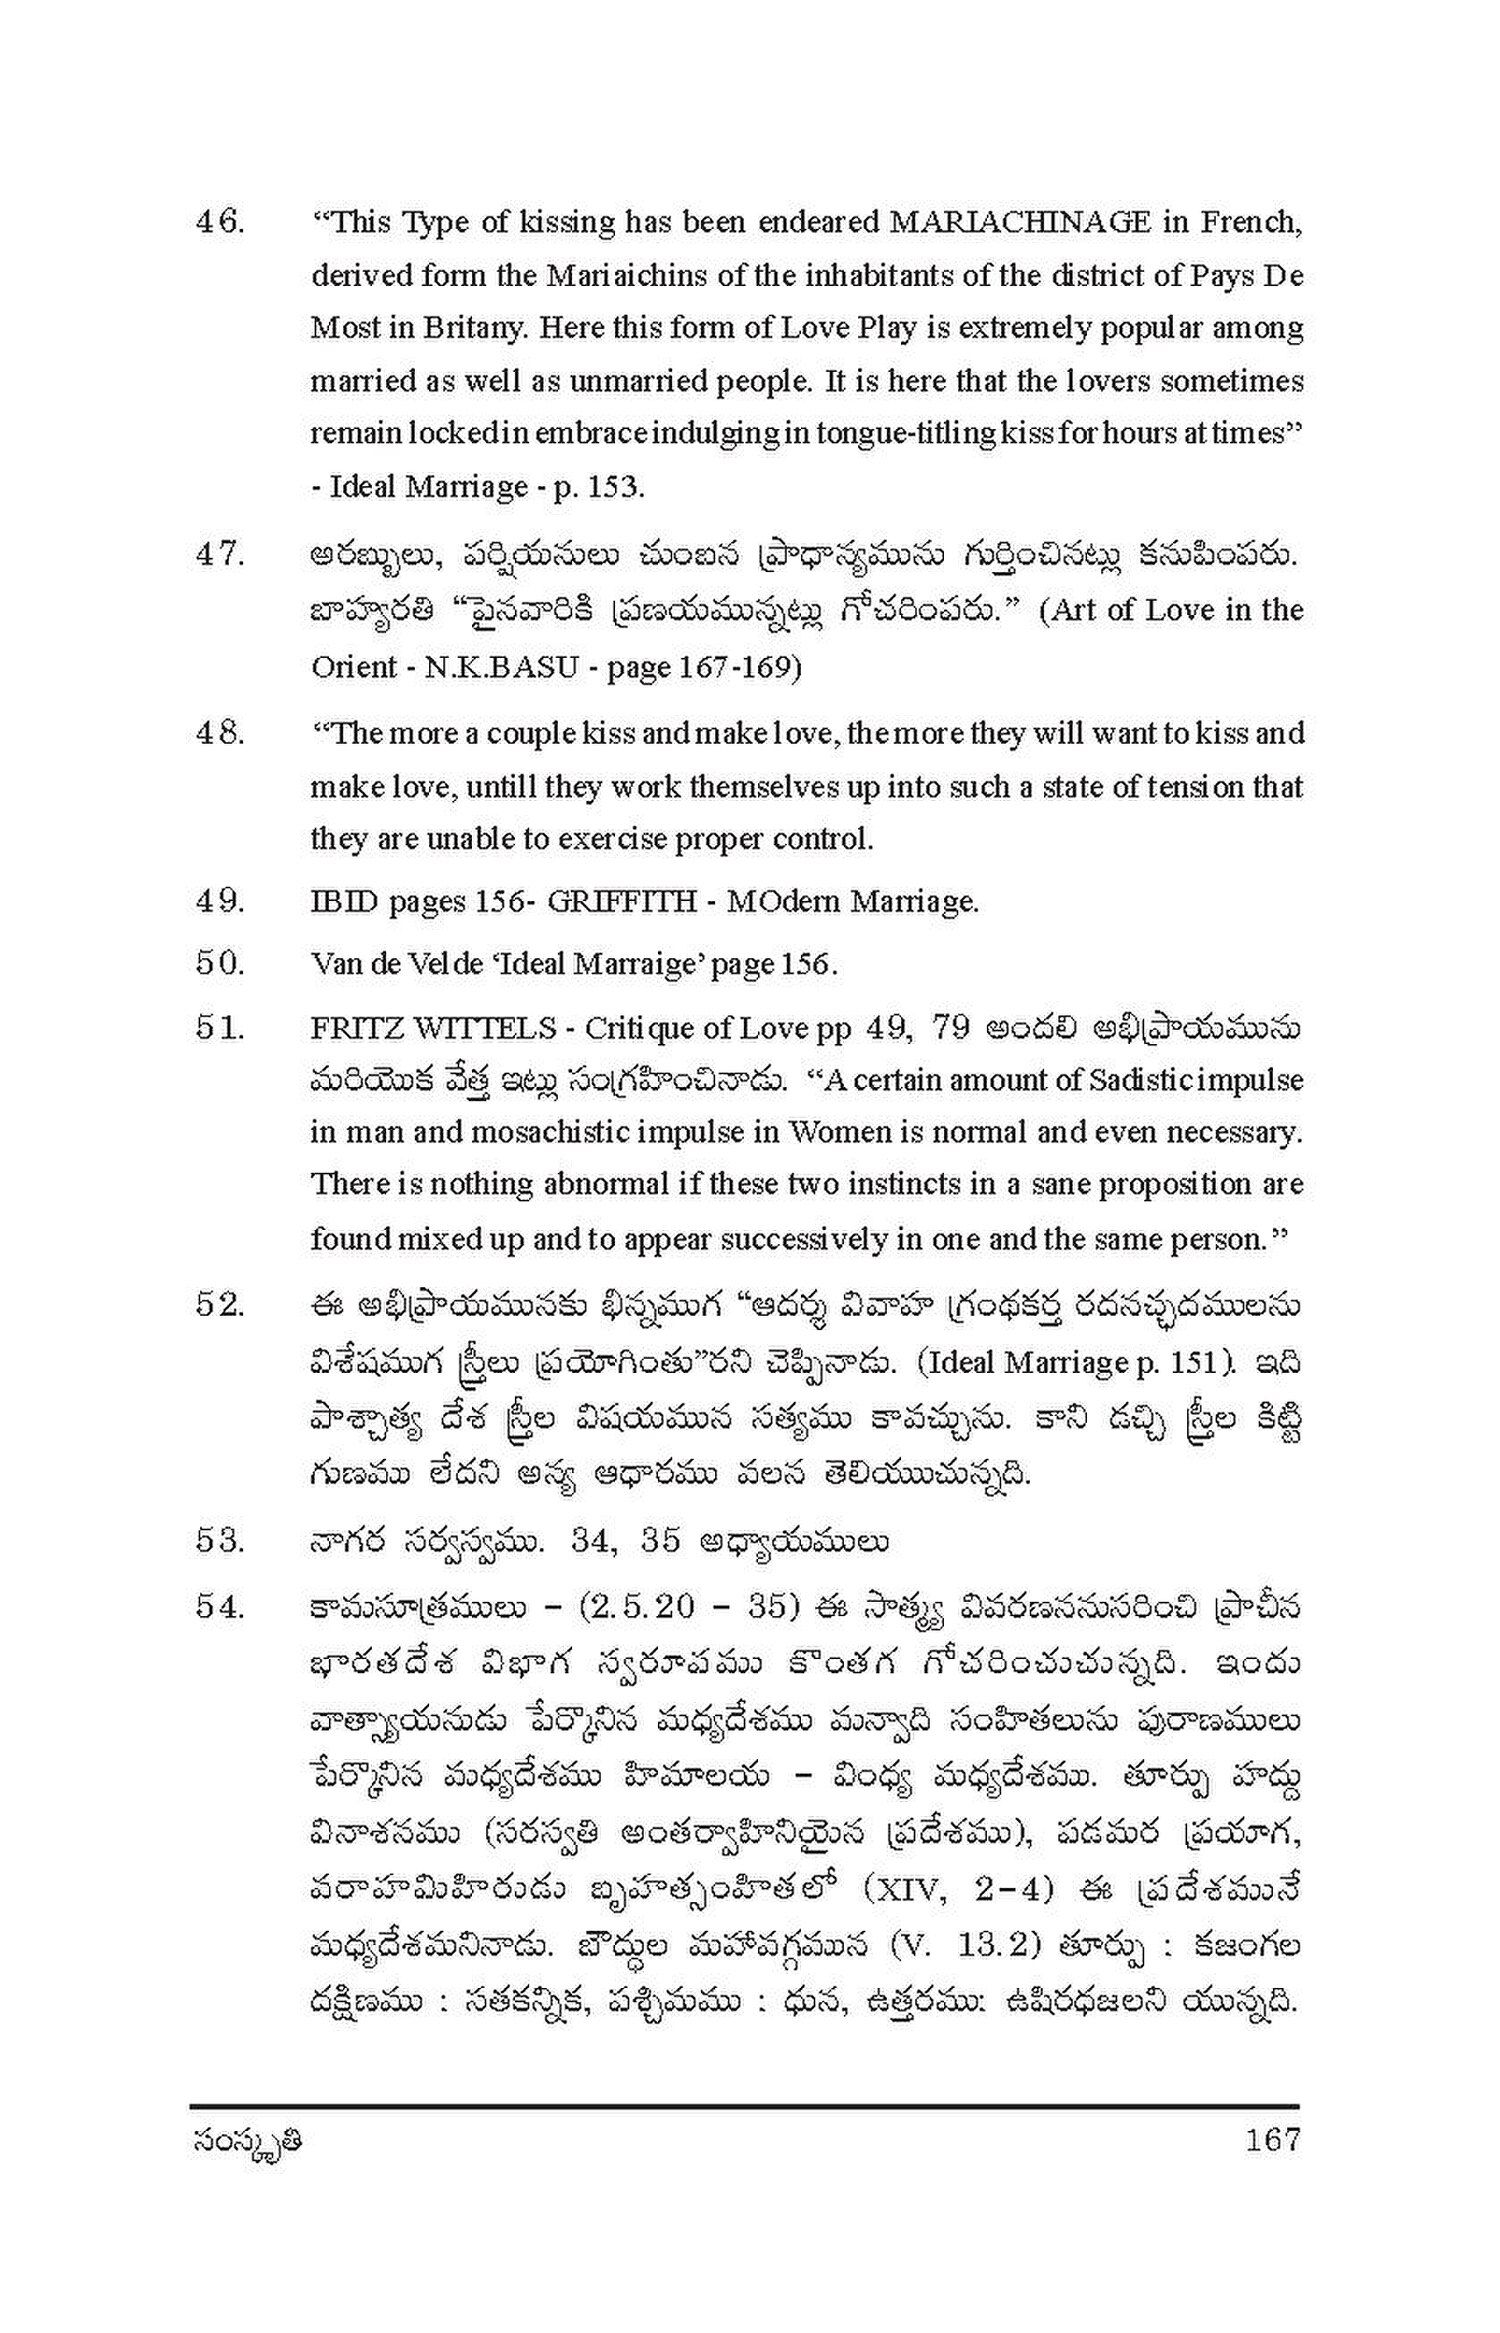46. 'This Type of kissing has been endeared MARIACHINAGE in French,
derived form the Mariaichins of the inhabitants of the district of Pays De
Most in Britany. Here this form of Love Play is extremely popular among
married as well as unmarried people. It is here that the lovers sometimes
remain locked in embrace indulging in tongue-titling kiss for hours at times”
Ideal Marriage - p. 153.

47. అరబ్బులు, పర్షియనులు చుంబన ప్రాధాన్యమును గుర్తించినట్లు కనుపింపరు.
బాహ్యరతి "పైనవారికి ప్రణయమున్నట్లు గోచరింపరు." (Art of Love in the
Orient - N.K.BASU - page 167 - 169)

48. “The more a couple kiss and make love, the more they will want to kiss and
make love, untill they work themselves up into such a state of tension that
they are unable to exercise proper control.

49. IBID pages 156- GRIFFITH - MOdern Marriage.

50. Van de Velde 'Ideal Marraige' page 156.

51. FRITZ WITTELS - Critique of Love pp 49, 79 అందలి అభిప్రాయమును
మరియొక వేత్త ఇట్లు సంగ్రహించినాడు. "A certain amount of Sadistic impulse
in man and mosachistic impulse in Women is normal and even necessary.
There is nothing abnormal if these two instincts in a sane proposition are
found mixed up and to appear successively in one and the same person.'

52. ఈ అభిప్రాయమునకు భిన్నముగ “ఆదర్శ వివాహ గ్రంథకర్త రదనచ్ఛదములను
విశేషముగ స్త్రీలు ప్రయోగింతు"రని చెప్పినాడు. (Ideal Marriage p. 151). ఇది
పాశ్చాత్య దేశ స్త్రీల విషయమున సత్యము కావచ్చును. కాని డచ్చి స్త్రీల కిట్టి
గుణము లేదని అన్య ఆధారము వలన తెలియుచున్నది.

53. నాగర సర్వస్వము. 34, 35 అధ్యాయములు

54. కామసూత్రములు - (2.5.20 - 35) ఈ సాత్మ్య వివరణననుసరించి ప్రాచీన
భారతదేశ విభాగ స్వరూపము కొంతగ గోచరించుచున్నది. ఇందు
వాత్స్యాయనుడు పేర్కొనిన మధ్యదేశము మన్వాది సంహితలును పురాణములు
పేర్కొనిన మధ్యదేశము హిమాలయ - వింధ్య మధ్యదేశము. తూర్పు హద్దు
వినాశనము (సరస్వతి అంతర్వాహినియైన ప్రదేశము), పడమర ప్రయాగ,
వరాహమిహిరుడు బృహత్సంహితలో (XIV, 2-4) ఈ ప్రదేశమునే
మధ్యదేశమనినాడు. బౌద్ధుల మహావగ్గమున (v. 13.2) తూర్పు : కజంగల
దక్షిణము : సతకన్నిక, పశ్చిమము : ధున, ఉత్తరము: ఉషిరధజలని యున్నది.